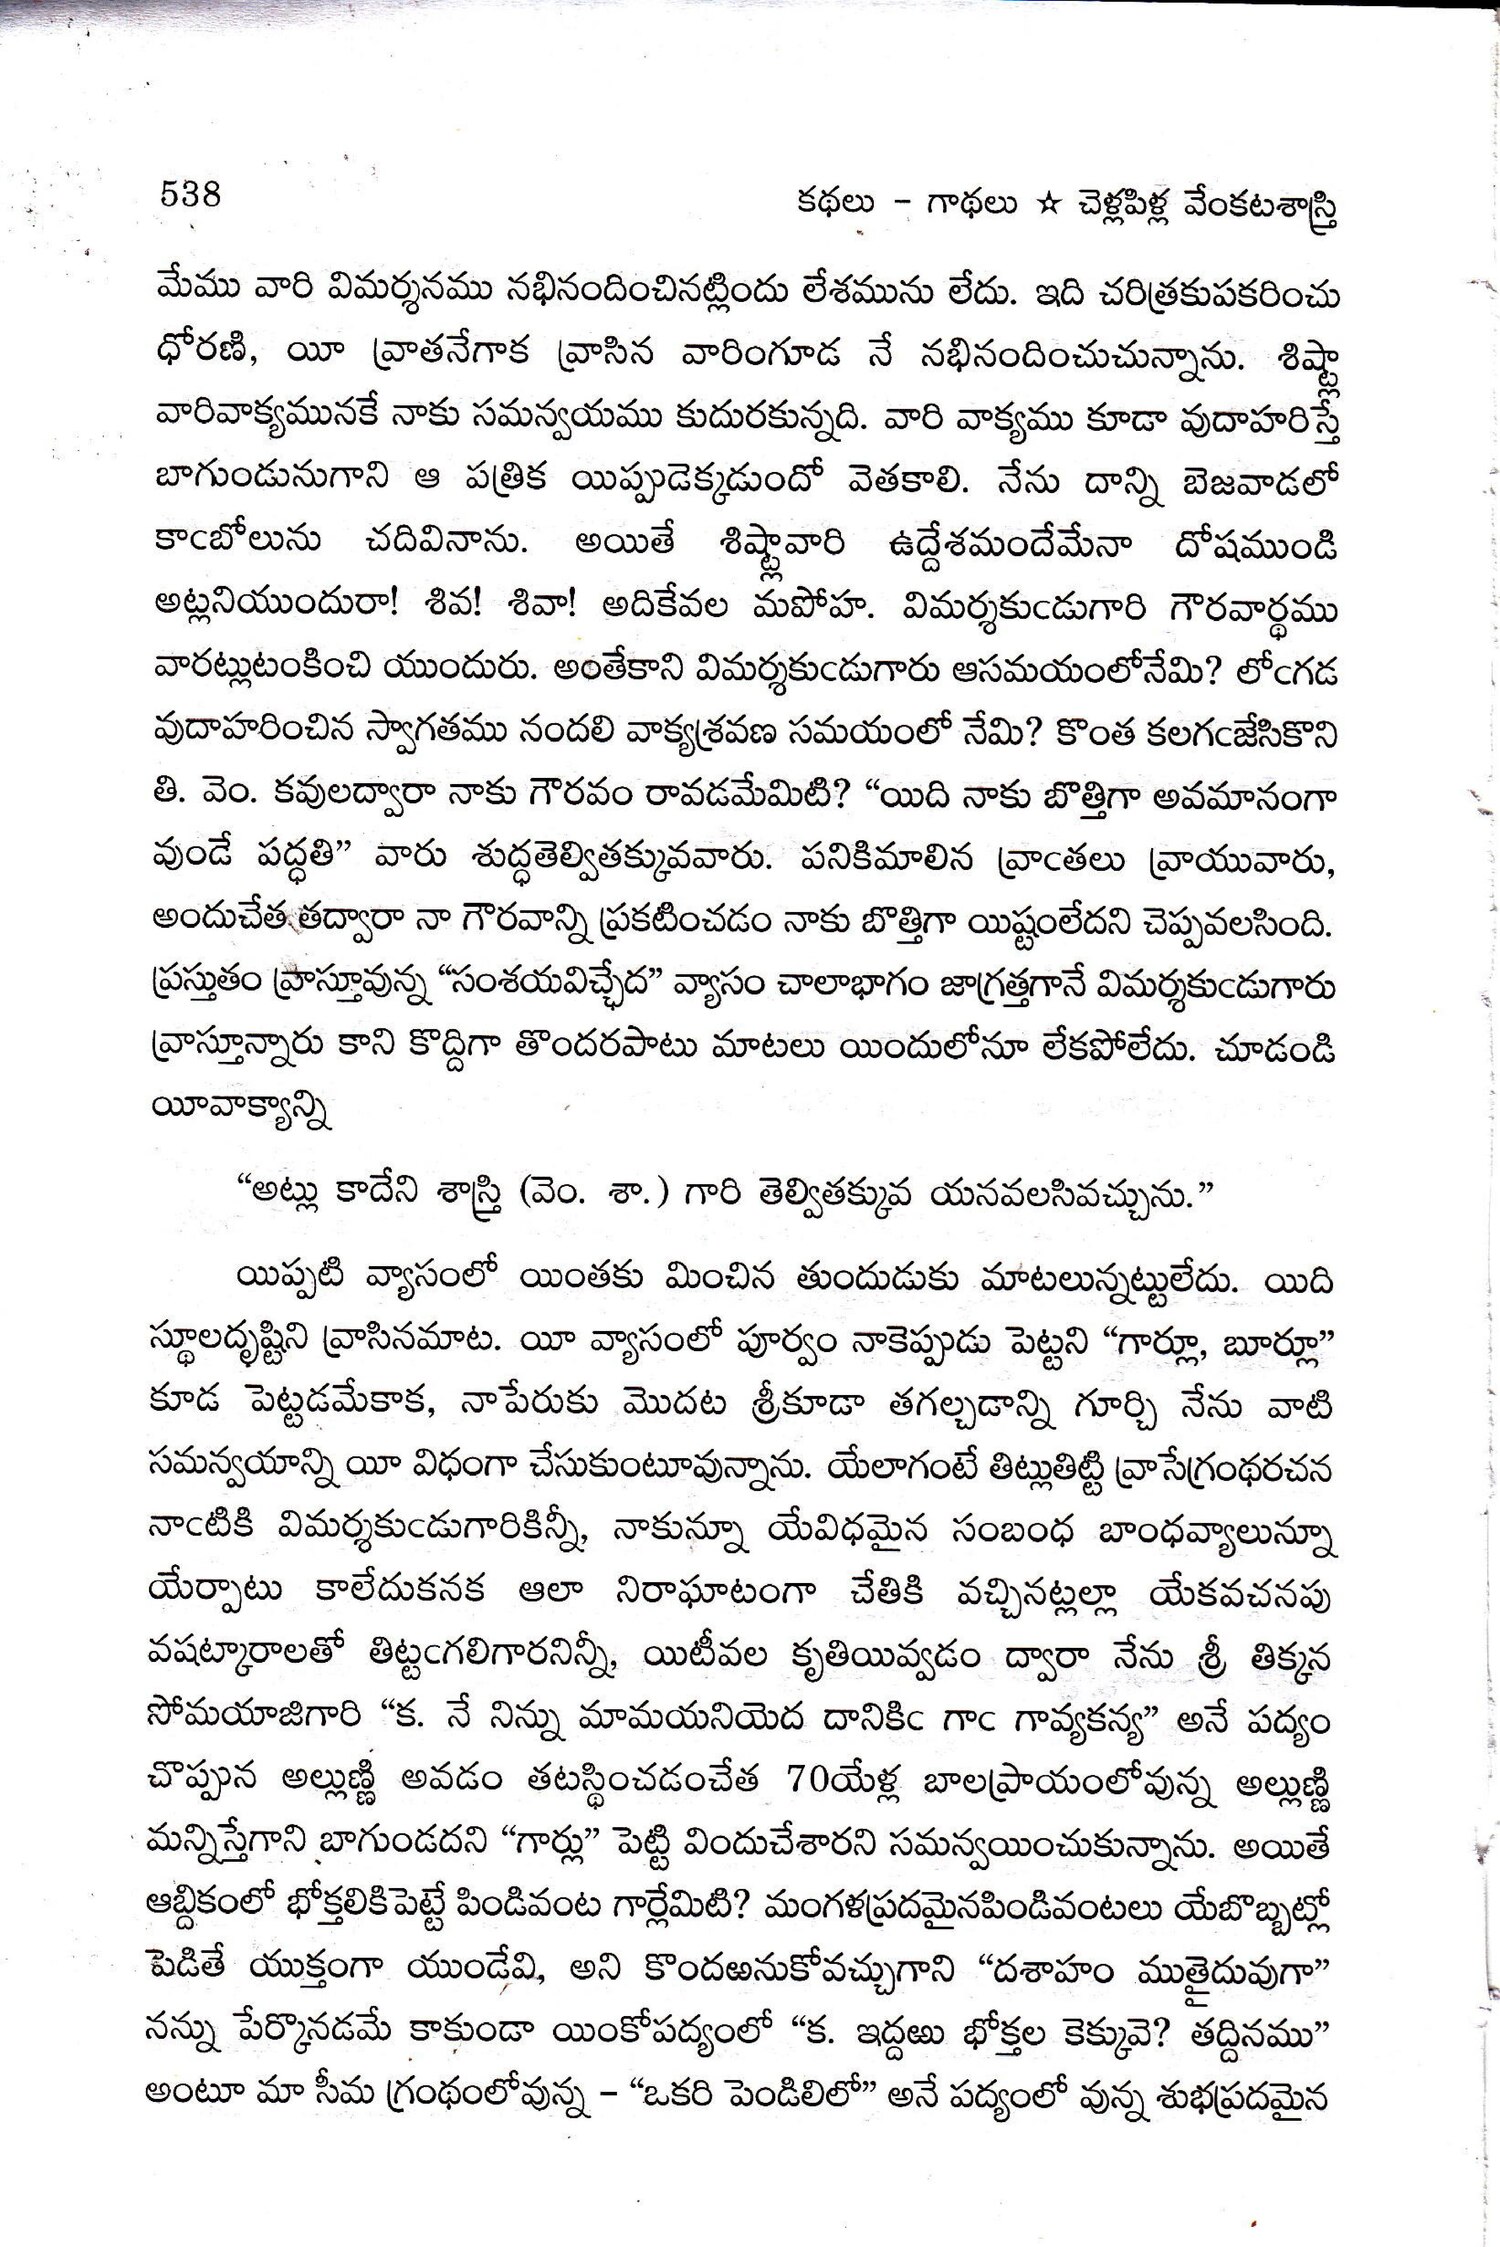మేము వారి విమర్శనము నభినందించినట్లిందు లేశమును లేదు. ఇది చరిత్రకుపకరించు ధోరణి, యీ వ్రాతనేగాక వ్రాసిన వారింగూడ నే నభినందించుచున్నాను. శిష్ట్లా వారివాక్యమునకే నాకు సమన్వయము కుదురకున్నది. వారి వాక్యము కూడా వుదాహరిస్తే బాగుండునుగాని ఆ పత్రిక యిప్పడెక్కడుందో వెతకాలి. నేను దాన్ని బెజవాడలో కాఁబోలును చదివినాను. అయితే శిష్ట్లావారి ఉద్దేశమందేమేనా దోషముండి అట్లనియుందురా! శివ! శివా! అదికేవల మసోహ. విమర్శకుఁడుగారి గౌరవార్ధము వారట్లుటంకించి యుందురు. అంతేకాని విమర్శకుఁడుగారు ఆసమయంలోనేమి? లోఁగడ వుదాహరించిన స్వాగతము నందలి వాక్యశ్రవణ సమయంలో నేమి? కొంత కలగఁజేసికొని తి. వెం. కవులద్వారా నాకు గౌరవం రావడమేమిటి? “యిది నాకు బొత్తిగా అవమానంగా వుండే పద్ధతి" వారు శుద్ధతెల్వితక్కువవారు. పనికిమాలిన వ్రాఁతలు వ్రాయువారు, అందుచేత తద్వారా నా గౌరవాన్ని ప్రకటించడం నాకు బొత్తిగా యిష్టంలేదని చెప్పవలసింది. ప్రస్తుతం ప్రాస్తూవున్న"సంశయవిచ్ఛేద" వ్యాసం చాలాభాగం జాగ్రత్తగానే విమర్శకుఁడుగారు వ్రాస్తూన్నారు కాని కొద్దిగా తొందరపాటు మాటలు యిందులోనూ లేకపోలేదు. చూడండి యీవాక్యాన్ని

"అట్లు కాదేని శాస్త్రి (వెం. శా.) గారి తెల్వితక్కువ యనవలసివచ్చును."

యిప్పటి వ్యాసంలో యింతకు మించిన తుందుడుకు మాటలున్నట్టులేదు. యిది స్థూలదృష్టిని వ్రాసినమాట. యీ వ్యాసంలో పూర్వం నాకెప్పుడు పెట్టని “గార్లూ, బూర్లూ" కూడ పెట్టడమేకాక, నాపేరుకు మొదట శ్రీకూడా తగల్చడాన్ని గూర్చి నేను వాటి సమన్వయాన్ని యీ విధంగా చేసుకుంటూవున్నాను. యేలాగంటే తిట్లుతిట్టి వ్రాసేగ్రంథరచన నాఁటికి విమర్శకుఁడుగారికిన్నీ, నాకున్నూ యేవిధమైన సంబంధ బాంధవ్యాలున్నూ యేర్పాటు కాలేదుకనక ఆలా నిరాఘాటంగా చేతికి వచ్చినట్లల్లా యేకవచనపు వషట్కారాలతో తిట్టఁగలిగారనిన్నీ యిటీవల కృతియివ్వడం ద్వారా నేను శ్రీ తిక్కన సోమయాజిగారి “క. నే నిన్ను మామయనియెద దానికిఁ గాఁ గావ్యకన్య" అనే పద్యం చొప్పున అల్లుణ్ణి అవడం తటస్థించడంచేత 70యేళ్ల బాలప్రాయంలోవున్న అల్లుణ్ణి మన్నిస్తేగాని బాగుండదని “గార్లు" పెట్టి విందుచేశారని సమన్వయించుకున్నాను. అయితే ఆబ్దికంలో భోక్తలికిపెట్టే పిండివంట గార్లేమిటి? మంగళప్రదమైనపిండివంటలు యేబొబ్బట్లో పెడితే యుక్తంగా యుండేవి, అని కొందఱనుకోవచ్చుగాని "దశాహం ముతైదువుగా" నన్ను పేర్కొనడమే కాకుండా యింకోపద్యంలో “క్ర, ఇద్దఱు భోక్తల కెక్కువె? తద్దినము" అంటూ మా సీమ గ్రంథంలోవున్న - "ఒకరి పెండిలిలో అనే పద్యంలో వున్న శుభప్రదమైన